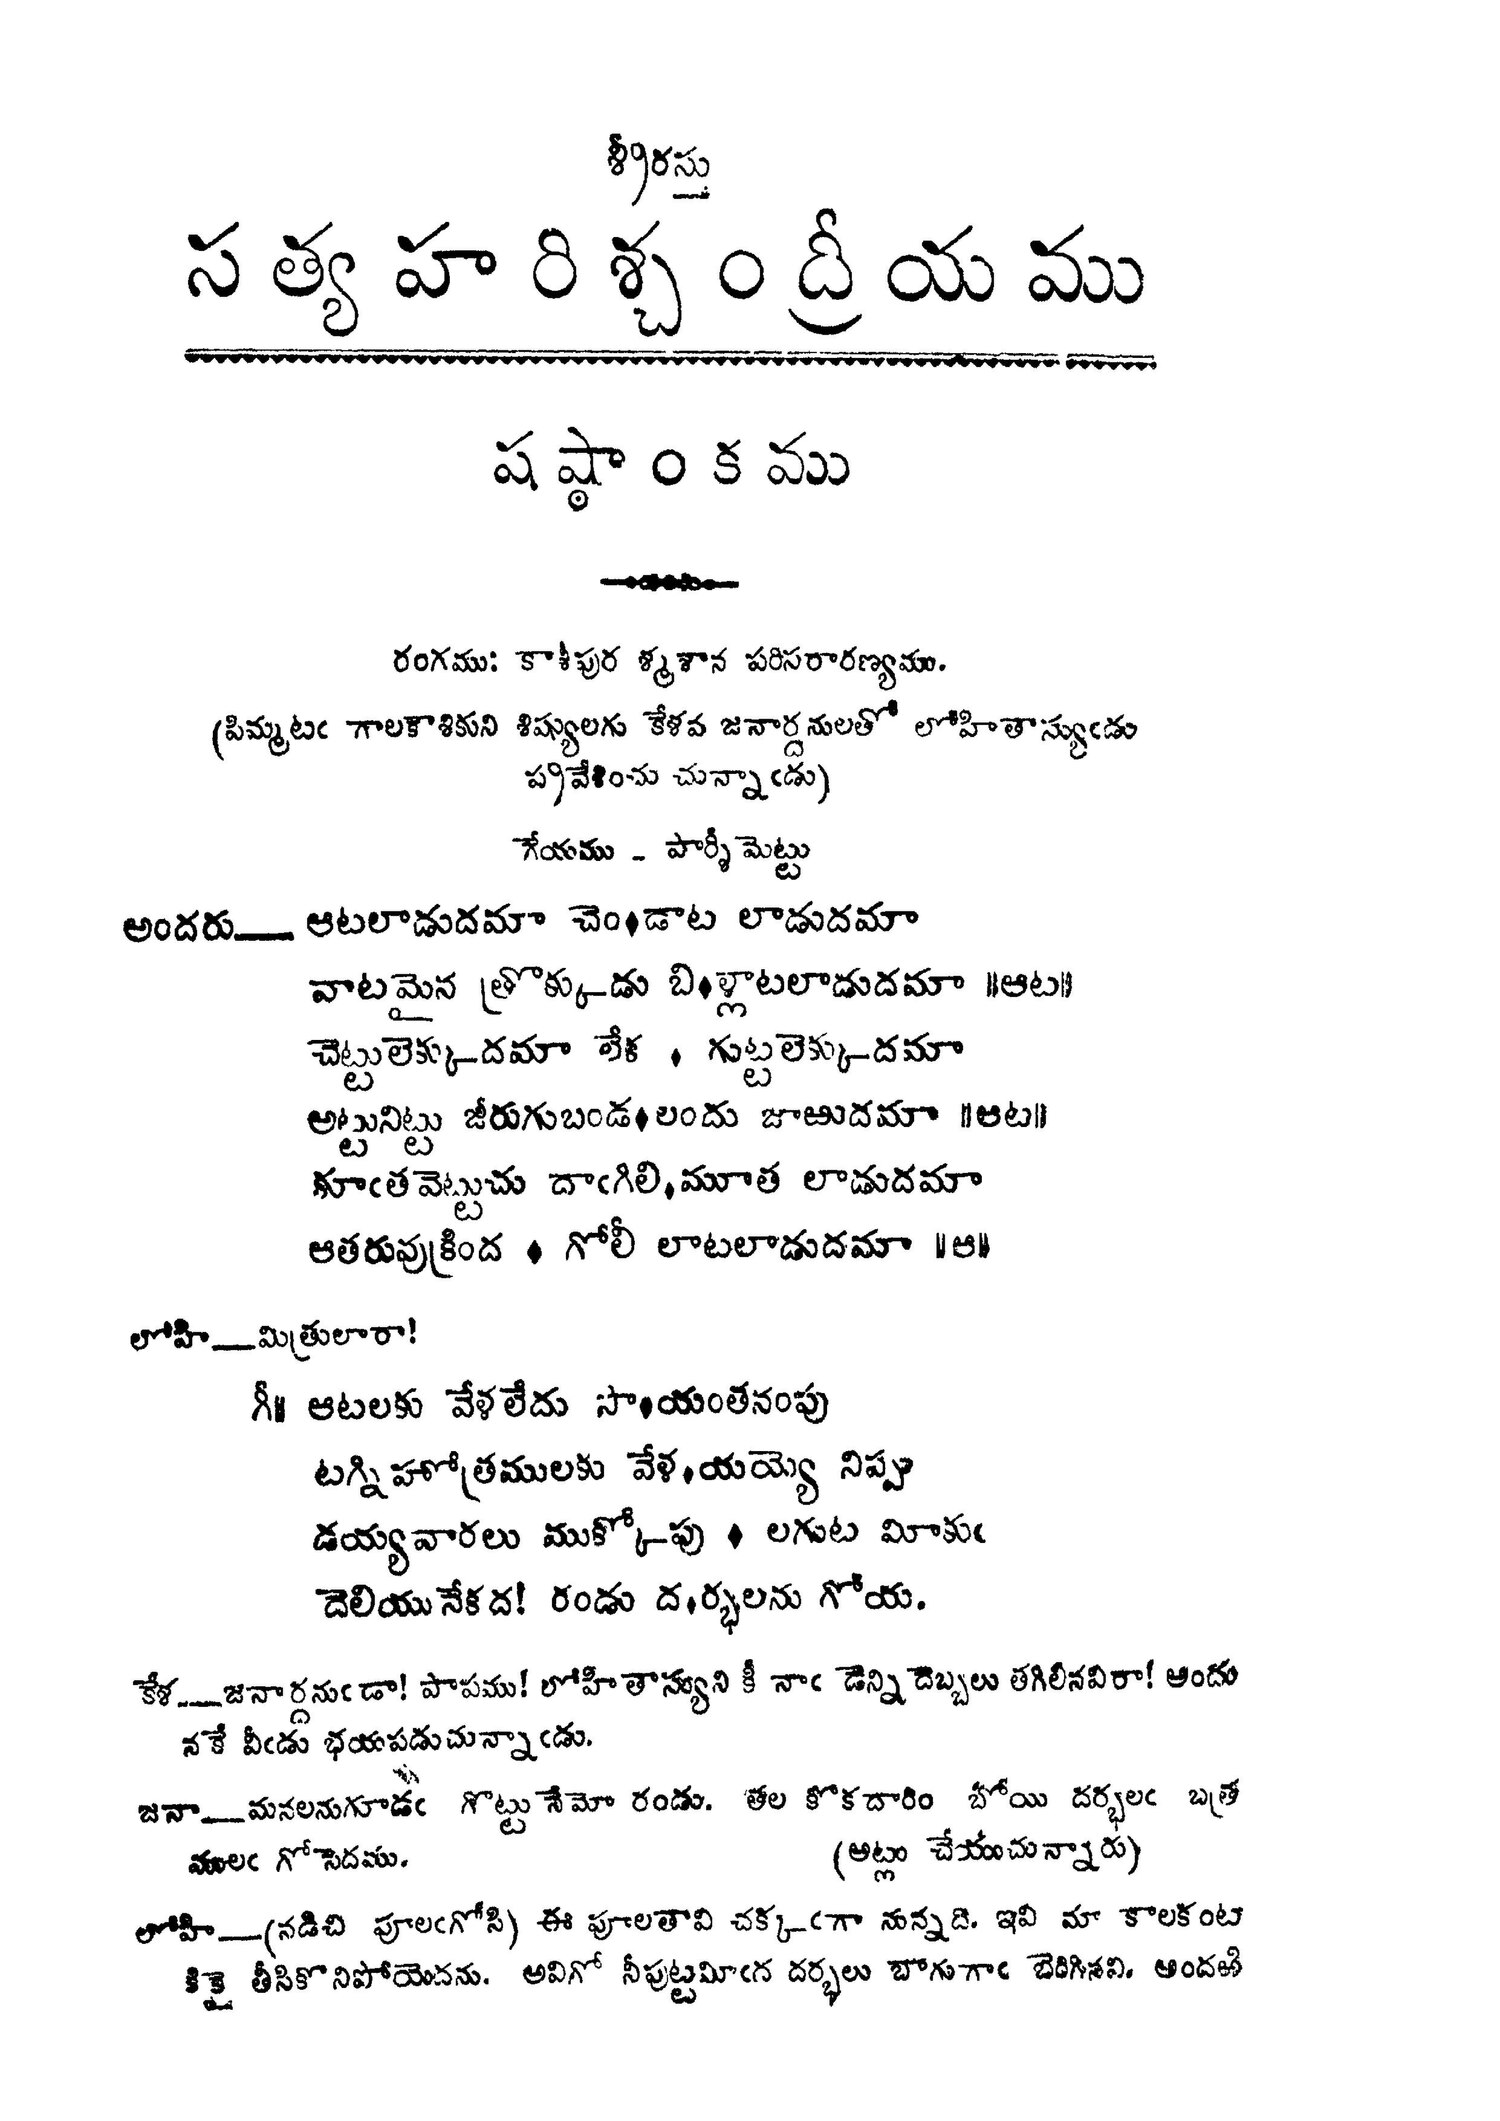శ్రీరస్తు

సత్య హరిశ్చంద్రీయము

షష్ఠాంకము

(రంగము : కాశీపుర స్మశాన పరిసరారణ్యము)

(పిమ్మట గాలకౌశికుని శిష్యులగు కేశవ జనార్దనులతో లోహితాస్యుడు ప్రవేశించుచున్నాడు)

(గేయము - పార్శీమెట్టు)

అందరు -	ఆటలాడుదమా చెండ్లాటలాడుదమా
వాటమైన త్రొక్కుడు బిళ్ళాటలాడుదమా ॥ఆట॥
చెట్టులెక్కుదమా లేక గుట్టలెక్కుదమా
అట్టు నిట్టు జీగురుబండలందు జాఱుదమా ॥ఆట॥
కూఁత వెట్టుచు దాగిలిమూత లాడుదమా ॥ఆట॥
ఆతరువు క్రింద గోలిలాటలాడుదమా ॥ఆట॥

లోహి - మిత్రులారా!

గీ. 	ఆటలకు వేళలేదు సాయంతనంపు
టగ్నిహోత్రములకు వేళయయ్యె నిప్పు
డయ్యవారలు ముక్కోపులగుట మీకుఁ
దెలియునేకద రండు దర్భలను గోయ.

కేశ - 	జనార్దనుడా! పాపము! లోహితాస్యుని కీనాడెన్ని దెబ్బలు తగిలినవిరా!
అందుకే వీఁడు భయపడుచున్నాడు.

జనా - 	మనలను గూఁడ గొట్టునేమో రండు. తలకొకదారిం బోయి దర్భలఁ
బత్రములఁ గోయుదము. (అట్లు చేయుచున్నారు)

లోహి - 	(నడచి పూలఁగోసి) ఈ పూలతావి చక్కగా నున్నది. ఇవి మా కాలకంటికై తీసి
కొనిపోయెదను. ఇదిగో నీ పుట్టమీద దర్భలు బాగుగా బెరిఁగినవి. అందరి